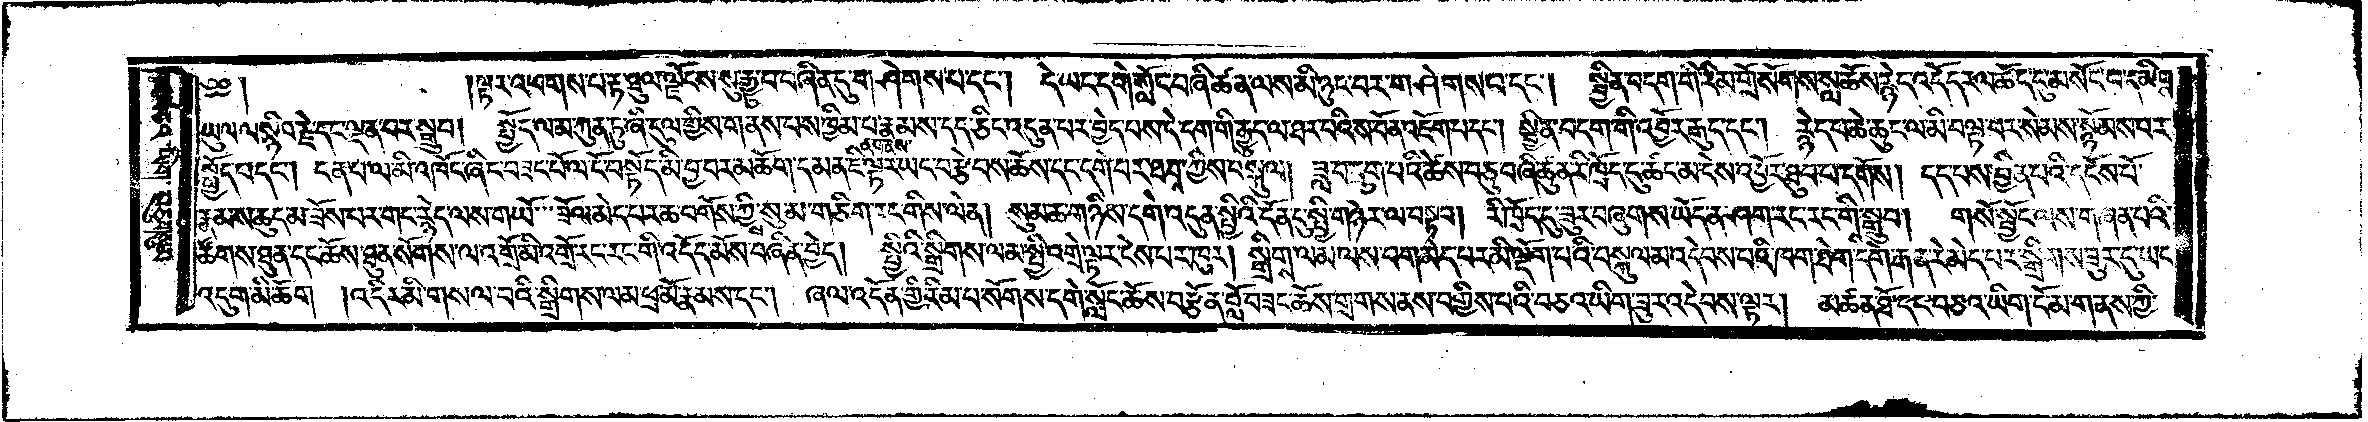༄༅། །ལྟར་འཕགས་པ་རྟ་ཐུལ་ལྗོངས་སུ་རྒྱུ་བ་བཞིན་དུ་གཤེགས་པ་དང་། དེ་ཡང་དགེ་སློང་བཞི་ཚན་ལས་མི་ཉུང་བར་གཤེགས་བ་དང་། སྦྱིན་བདག་གི་རིམ་གྲོ་སོགས་སླ་ཆོས་རྙེད་འདོད་རལ་ཚོད་དུ་མ་སོང་བ་དམིགས་
ཡུལ་ལ་སྙིང་རྗེ་དང་ལྡན་པར་སྒྲུབ། སྤྱོད་ལམ་ཀུན་ཏུ་ཞི་དུལ་གྱིས་གནས་པས་ཁྱིམ་པ་རྣམས་དད་ཅིང་འདུན་པར་བྱེད་པས་དེ་དག་གི་རྒྱུད་ལ་ཐར་བའི་ས་བོན་འཇོག་པ་དང་། སྦྱིན་བདག་གི་འབྱོར་རྒུད་དང་། རྙེད་པ་ཆེ་ཆུང་ལ་མི་བལྟ་བར་སེམས་སྙོམས་བར་
སྤྱོད་པ་དང་། ངན་པ་ལ་མི་འཁོང་ཞིང་བཟང་པོ་ལ་ངོ་བསྟོད་མི་བྱ་བར་མཆོག་དམན་ཇི་ལྟར་ཡང་བརྩེ་བས་ཆོས་དང་དགེ་བར་ཐབས་ཀྱིས་བསྐུལ། ཟླ་བ་དྲུག་པའི་ཚེས་བཅུ་བཞི་ཚུན་རི་ཁྲོད་དུ་ཚང་མ་ངེས་འབྱོར་ཐུབ་བ་དགོས། དད་པས་བྱིན་པའི་དངོས་པོ་
རྣམས་ཆུད་མ་ཟོས་པར་གང་རྙེད་ལས་གཡོ་ཟོལ་མེད་པར་ཆ་བགོས་ཀྱིས་སུམ་གཅིག་རང་གིས་ལེན། སུམ་ཆ་གཉིས་དགེ་འདུན་སྤྱིའི་དོན་དུ་སྤྱི་གཉེར་ལ་བསྟབ། རི་ཁྲོད་དུ་ཟུར་བཞུགས་ཡོད་ན་ཤག་རང་རང་གིས་སྒྲུབ། གསོ་སྦྱོང་ལས་གཞན་པའི་
ཚོགས་ཐུན་དང་ཆོས་ཐུན་སོགས་ལ་འགྲོ་མི་འགྲོ་རང་རང་གི་འདོད་མོས་བཞིན་བྱེད། སྤྱིའི་སྒྲིགས་ལམ་སྤྱི་འགྲོ་ལྟར་ངེས་པར་ཁུར། སྒྲིགས་ལམ་ལས་བག་མེད་པར་མི་ལྡོག་པའི་བསྐུལ་མ་འདེབས་པའི་ཁག་ཐེག་དགེ་རྒན་རེ་མེད་པར་སྒྲིགས་ཟུར་དུ་ཡང་
འདུག་མི་ཆོག །འདིར་མི་གསལ་བའི་སྒྲིགས་ལམ་ཕྲ་མོ་རྣམས་དང་། ཞལ་འདོན་གྱི་རིམ་པ་སོགས་དགེ་སློང་ཆོས་བརྩོན་བློ་བཟང་ཆོས་གྲགས་ནས་བགྱིས་པའི་བཅའ་ཡིག། ཟུར་འདེབས་ལྟར། མཚན་ཐོ་དང་བཅའ་ཡིག་ངོ་མ་གནས་ཀྱི་